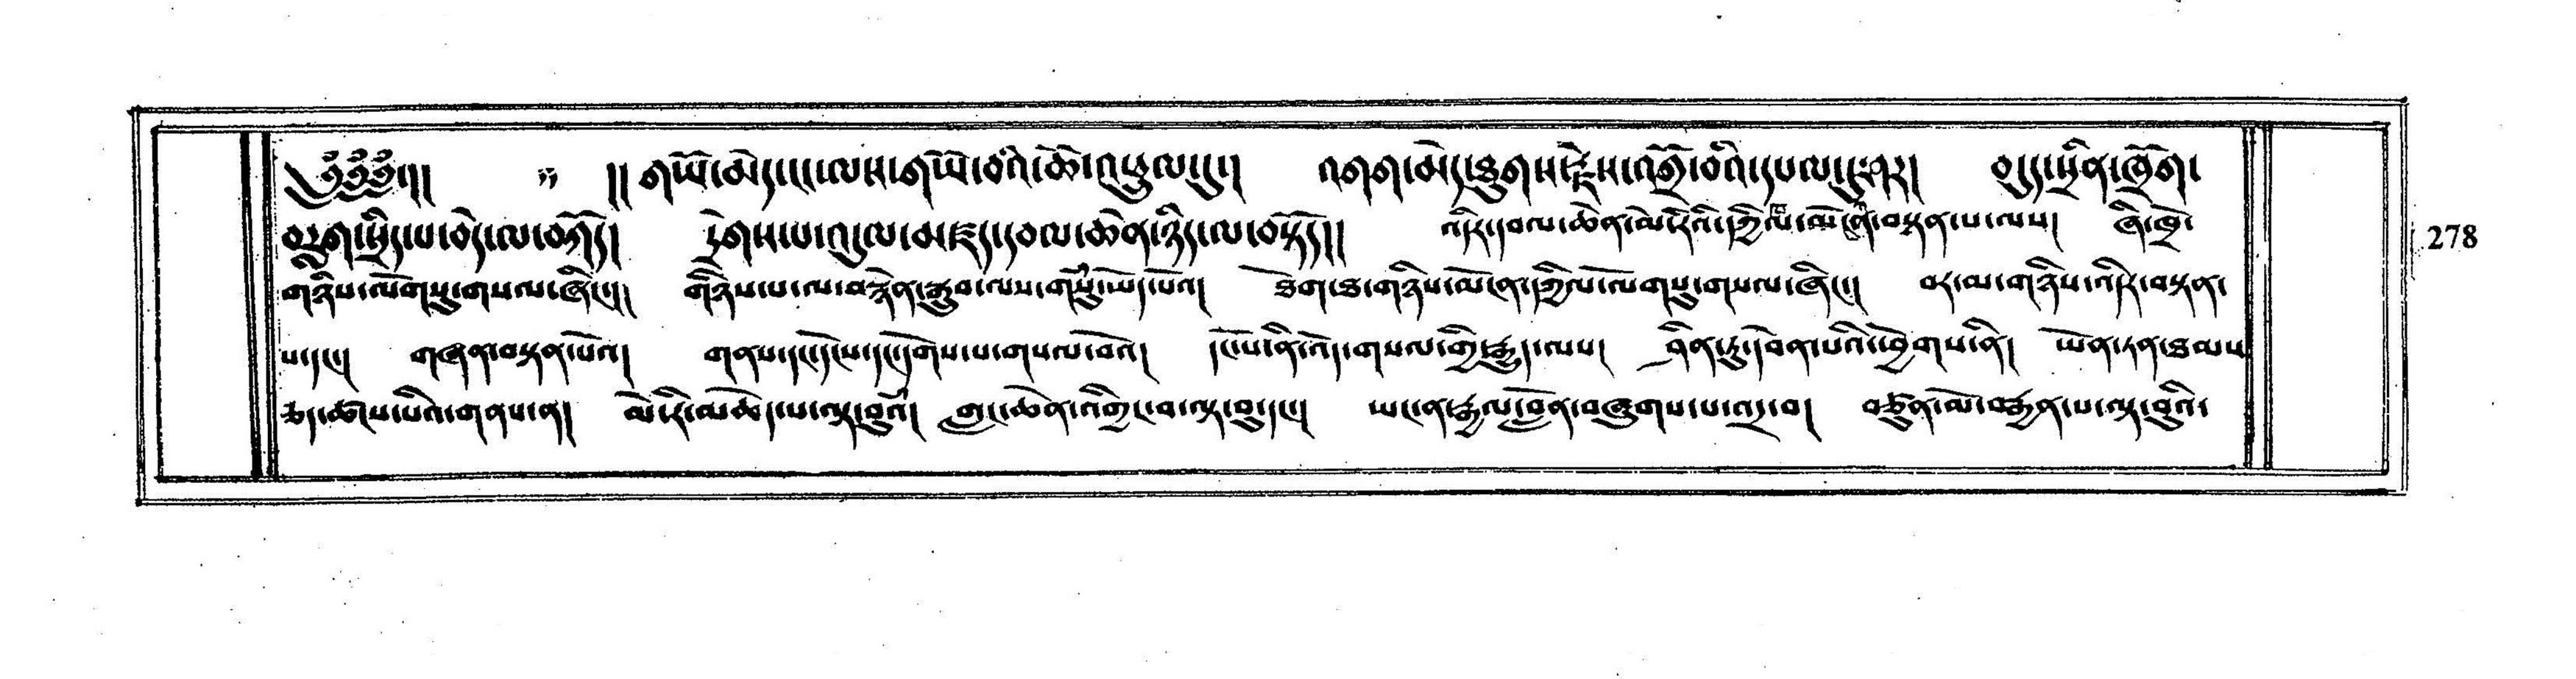༄༅༅།། །།གཡོ་མེད་ངང་ལས་གཡོ་བའི་ཆོ་འཕྲུལ་དུ། འགག་མེད་ཐུགས་རྗེས་འགྲོ་བའི་དཔལ་དུ་ཤར། བདུད་སྲིན་ཁྲོག་
བརླག་སྲིད་པ་བདེ་ལ་བཀོད། དྲེགས་པ་འདུལ་མཛད་དབལ་ཆེན་ཉིད་ལ་བསྟོད།། འདིར་དབལ་ཆེན་མེ་རིའི་མངོན་དཀྱིལ་བསྟན་པ་ལས། ཞི་ཁྲོ་
གཉིས་ལོགས་སུ་གསལ་ཞིང་།། གཉིས་པ་ལ་བསྙེན་སྒྲུབ་ལས་གསུམ་ཡོད་པའོ། ཐོག་ཐ་གཉིས་མངོན་དཀྱིལ་ལོགས་སུ་གསལ་ཞིང་། བར་མ་གཉིས་འདིར་བསྟན་
པ་དང་། གཞན་བསྟན་པའོ། གནས་དང་དངོས་དང་དགོས་པ་གསལ་བའོ། དང་པོ་ནི་འོད་གསལ་གྱི་རྒྱུད་ལས། ཤིན་ཏུ་དབེན་པའི་ཕྱོགས་ནི། ཡོན་ཏན་ཐམས་
ཅད་ཚངས་པའི་གནས་ན། མེ་རི་མཆེད་པ་ལྟ་བུའམ། གླང་ཆེན་འགྱིང་བ་ལྟ་བུ་དང་། ཡང་ན་རྒྱལ་བློན་བཞུགས་པ་འདྲ་བ། བཙུན་མོ་བརྒྱན་པ་ལྟ་བུའི་